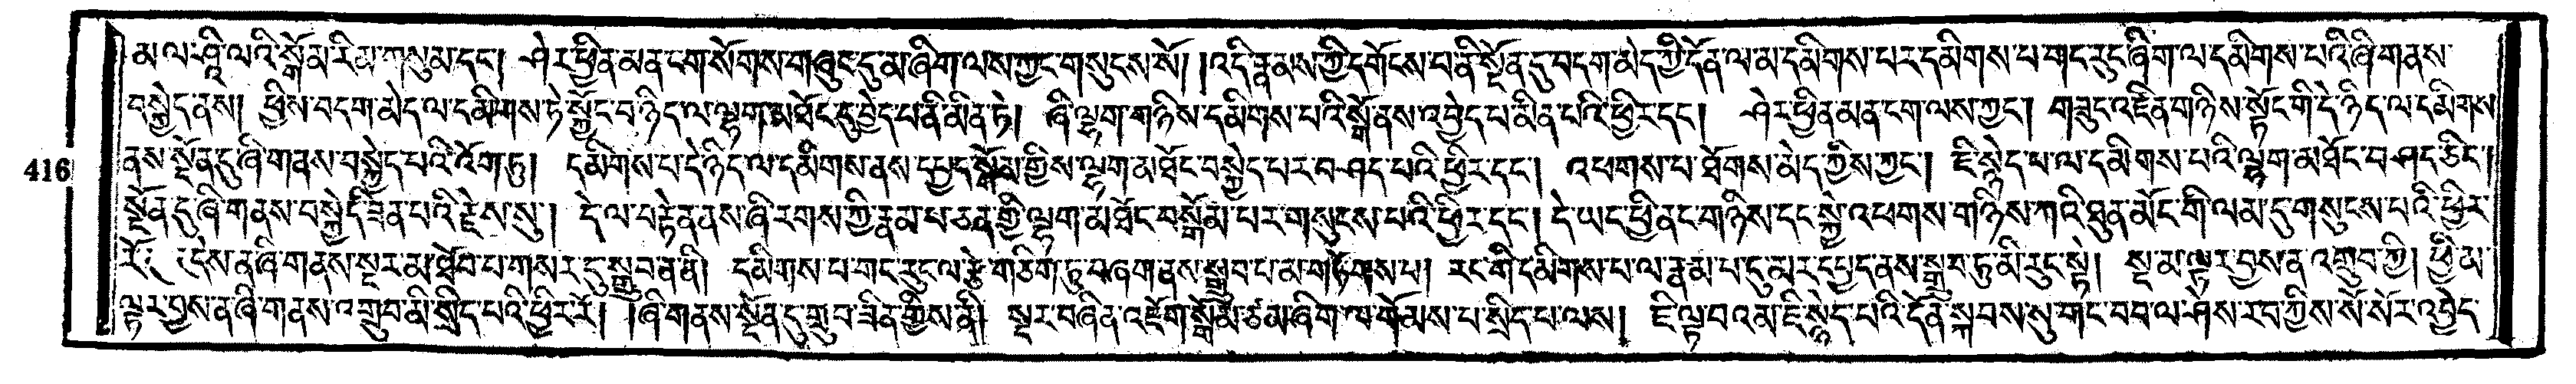མ་ལ་ཤཱི་ལའི་སྒོམ་རིམ་གསུམ་དང་། ཤེར་ཕྱིན་མན་ངག་སོགས་གཞུང་དུ་མ་ཞིག་ལས་ཀྱང་གསུངས་སོ། །འདི་རྣམས་ཀྱི་དགོངས་པ་ནི་སྔོན་དུ་བདག་མེད་ཀྱི་དོན་ལ་མ་དམིགས་པར་དམིགས་པ་གང་རུང་ཞིག་ལ་དམིགས་པའི་ཞི་གནས་
བསྐྱེད་ནས། ཕྱིས་བདག་མེད་ལ་དམིགས་ཏེ་སྐྱོང་བ་ཉིད་ལ་ལྷག་མཐོང་དུ་བྱེད་པ་ནི་མིན་ཏེ། ཞི་ལྷག་གཉིས་དམིགས་པའི་སྒོ་ནས་འབྱེད་པ་མིན་པའི་ཕྱིར་དང་། ཤེར་ཕྱིན་མན་ངག་ལས་ཀྱང་། གཟུང་འཛིན་གཉིས་སྟོང་གི་དེ་ཉིད་ལ་དམིགས་
ནས་སྔོན་དུ་ཞི་གནས་བསྐྱེད་པའི་འོག་ཏུ། དམིགས་པ་དེ་ཉིད་ལ་དམིགས་ནས་དཔྱད་སྒོམ་གྱིས་ལྷག་མཐོང་བསྐྱེད་པར་བཤད་པའི་ཕྱིར་དང་། འཕགས་པ་ཐོགས་མེད་ཀྱིས་ཀྱང་། ཇི་སྙེད་པ་ལ་དམིགས་པའི་ལྷག་མཐོང་བཤད་ཅིང་
སྔོན་དུ་ཞི་གནས་བསྐྱེད་ཟིན་པའི་རྗེས་སུ། དེ་ལ་བརྟེན་ནས་ཞི་རགས་ཀྱི་རྣམ་པ་ཅན་གྱི་ལྷག་མཐོང་བསྒོམ་པར་གསུངས་པའི་ཕྱིར་དང་། དེ་ཡང་ཕྱི་ནང་གཉིས་དང་སྐྱེ་འཕགས་གཉིས་ཀའི་ཐུན་མོང་གི་ལམ་དུ་གསུངས་པའི་ཕྱིར་
རོ༑ ༑དེས་ན་ཞི་གནས་སྔར་མ་ཐོབ་པ་གསར་དུ་སྒྲུབ་ན་ནི། དམིགས་པ་གང་རུང་ལ་རྩེ་གཅིག་ཏུ་བཞག་ནས་སྒྲུབ་པ་མ་གཏོགས་པ། རང་གི་དམིགས་པ་ལ་རྣམ་པ་དུ་མར་དཔྱད་ནས་སྒྲུབ་ཏུ་མི་རུང་སྟེ། སྔ་མ་ལྟར་བྱས་ན་འགྲུབ་ཀྱི། ཕྱི་མ་
ལྟར་བྱས་ན་ཞི་གནས་འགྲུབ་མི་སྲིད་པའི་ཕྱིར་རོ། །ཞི་གནས་སྔོན་དུ་གྲུབ་ཟིན་གྱིས་ནི། སྔར་བཞིན་འཇོག་སྒོམ་ཙམ་ཞིག་ལ་གོམས་པ་སྲིད་པ་ལས། ཇི་ལྟ་བའམ་ཇི་སྙེད་པའི་དོན་སྐབས་སུ་གང་བབ་ལ་ཤེས་རབ་ཀྱིས་སོ་སོར་འབྱེད་